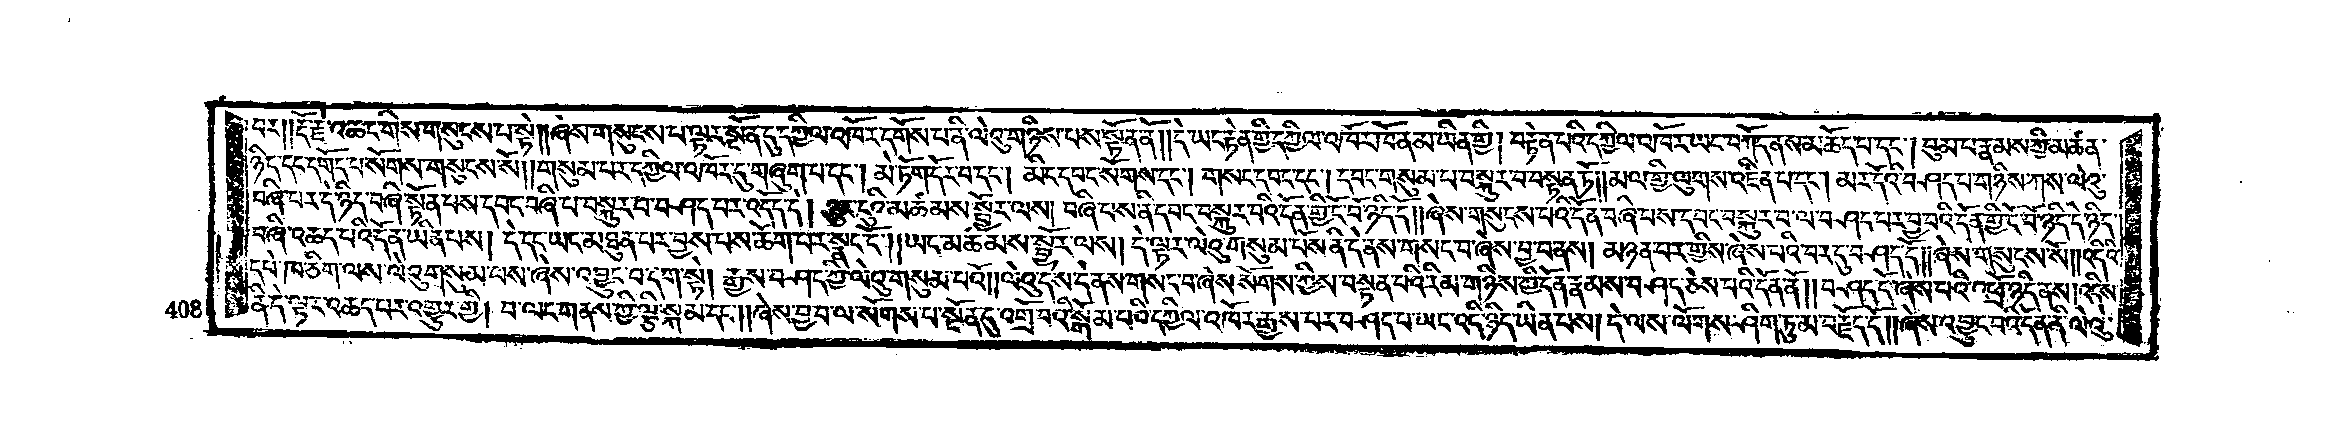བར། །རྡོ་རྗེ་འཆང་གིས་གསུངས་པ་སྟེ། །ཞེས་གསུངས་པ་ལྟར་སྔོན་དུ་དཀྱིལ་འཁོར་དགོས་པ་ནི་ལེའུ་གཉིས་པས་སྟོན་ནོ། །དེ་ཡང་རྟེན་གྱི་དཀྱིལ་འཁོར་ཁོ་ན་མ་ཡིན་གྱི། བརྟེན་པའི་དཀྱིལ་འཁོར་ཡང་བཀོད་ནས་མཆོད་པ་དང་། བུམ་པ་རྣམས་ཀྱི་མཚན་
ཉིད་དང་དགོད་པ་སོགས་གསུངས་སོ། །གསུམ་པར་དཀྱིལ་འཁོར་དུ་གཞུག་པ་དང་། མེ་ཏོག་དོར་བ་དང་། མིང་དབང་སོགས་དང་། གསང་དབང་དང་། དབང་གསུམ་པ་བསྐུར་བ་བསྟན་ཏོ། །མལ་གྱི་ལུགས་འཛིན་པ་དང་། མར་དོའི་བཤད་པ་གཉིས་ཀས་ལེའུ་
བཞི་པར་དེ་ཉིད་བཞི་སྟོན་པས་དབང་བཞི་པ་བསྐུར་བ་བཤད་པར་འདོད་དེ། ཉུང་ངུའི་མཚམས་སྦྱོར་ལས། བཞི་པས་ནི་དབང་བསྐུར་བའི་དོན་གྱི་ངོ་བོ་ཉིད་དོ། །ཞེས་གསུངས་པའི་དོན་བཞི་པས་དབང་བསྐུར་བ་ལ་བཤད་པར་བྱ་བའི་དོན་གྱི་ངོ་བོ་ཉིད་དེ་ཉིད་
བཞི་འཆད་པའི་དོན་ཡིན་པས། དེ་དང་ཡང་མཐུན་པར་བྱས་པས་ཆོག་པར་སྣང་ངོ། །ཡང་མཚམས་སྦྱོར་ལས། དེ་ལྟར་ལེའུ་གསུམ་པོས་ནི་དེ་ནས་གསང་བ་ཞེས་བྱ་བ་ནས། མཉན་པར་གྱིས་ཞེས་པའི་བར་དུ་བཤད་དོ། །ཞེས་གསུངས་སོ། །འདིའི་
དཔེ་ཁ་ཅིག་ལས་ལེའུ་གསུམ་པས་ཞེས་འབྱུང་བ་དག་སྟེ། རྒྱས་བཤད་ཀྱི་ལེའུ་གསུམ་པའོ། །ལེའུ་དེས་དེ་ནས་གསང་བ་ཞེས་སོགས་ཀྱིས་བསྟན་པའི་རིམ་གཉིས་ཀྱི་དོན་རྣམས་བཤད་ཅེས་པའི་དོན་ནོ། །བཤད་དོ་ཞེས་པའི་འཕྲོ་ཉིད་ནས། འདིས་
ནི་དེ་ལྟར་འཆད་པར་འགྱུར་གྱི། བ་ལང་གནས་ཀྱི་ལྕི་སྐམ་དང་། །ཞེས་བྱ་བ་ལ་སོགས་པ་སྔོན་དུ་འགྲོ་བའི་སྒོམ་པའི་དཀྱིལ་འཁོར་རྒྱས་པར་བཤད་པ་ཡང་འདི་ཉིད་ཡིན་པས། དེ་ལས་ལོགས་ཤིག་ཏུ་མ་བརྗོད་དོ། །ཞེས་འབྱུང་བའི་དོན་ནི་ལེའུ་